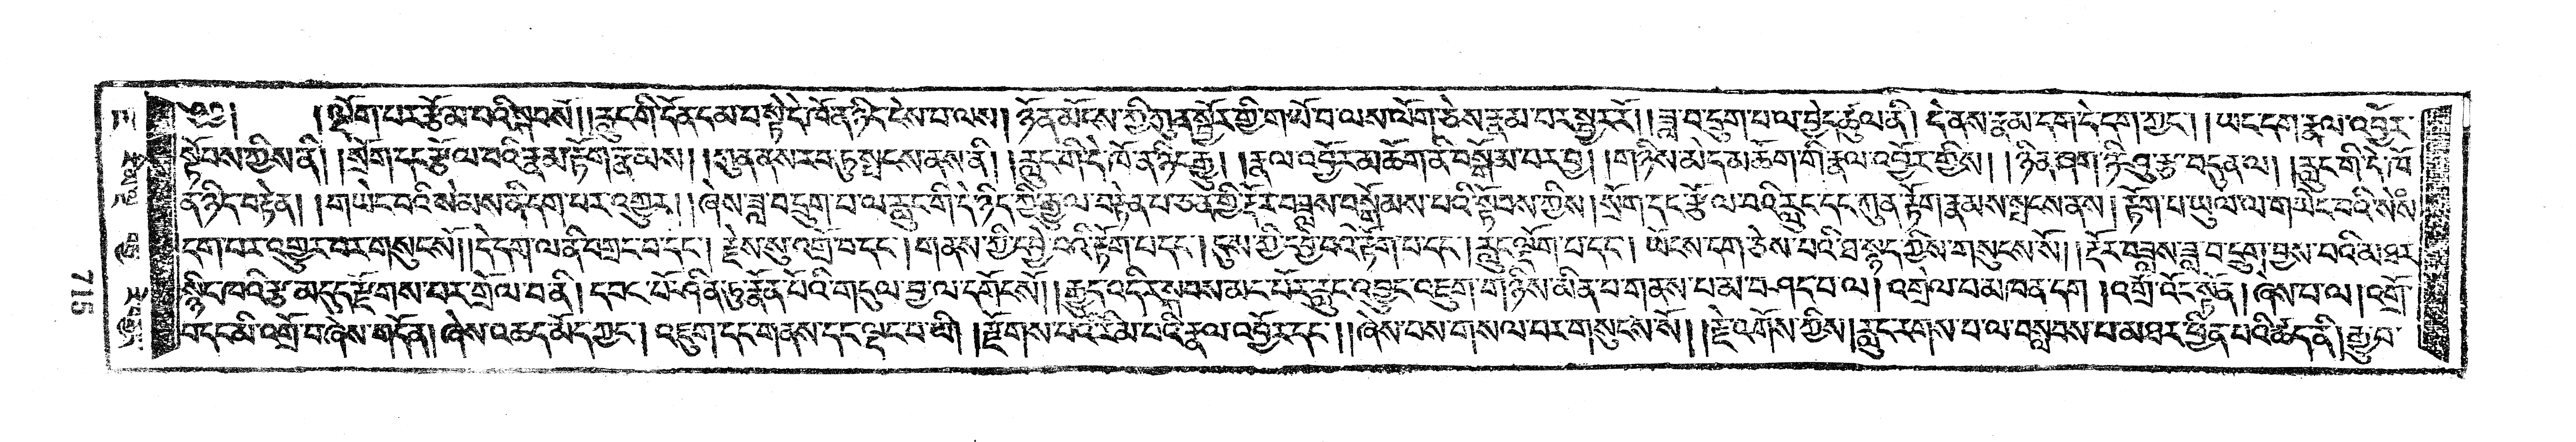༄༅། །ལྡོག་པར་རྩོམ་པའི་སྐབས་སོ། །རླུང་གི་དོན་དམ་པ་སྟེ་དེ་ཁོ་ན་ཉིད་ངེས་པ་ལས། ཉོན་མོངས་ཀྱི་ཀུན་སྦྱོར་གྱི་གཡོ་བ་ལས་ལོག་ཅེས་རྣམ་པར་སྦྱར་རོ། །ཟླ་བ་དྲུག་པ་ལ་བྱེད་ཚུལ་ནི། དེ་ནས་རྣམ་དག་དེ་དག་ཀྱང་། །ཡང་དག་རྣལ་འབྱོར་
སྟོབས་ཀྱིས་ནི། སྲོག་དང་རྩོལ་བའི་རྣམ་རྟོག་རྣམས། །ཀུན་ནས་རབ་ཏུ་སྤངས་ནས་ནི། །རླུང་གི་དེ་ཁོ་ན་ཉིད་རྒྱུ། །རྣལ་འབྱོར་མཆོག་ནི་བསྒོམ་པར་བྱ། །གཉིས་མེད་མཆོག་གི་རྣལ་འབྱོར་གྱིས། །ཉིན་ཞག་ཉི་ཤུ་རྩ་བདུན་ལ། །རླུང་གི་དེ་ཁོ་
ན་ཉིད་བརྟེན། །གཡེང་བའི་སེམས་ནི་དག་པར་འགྱུར། །ཞེས་ཟླ་བ་དྲུག་པ་ལ་རླུང་གི་དེ་ཉིད་ཀྱི་རྒྱུ་ལ་བརྟེན་པ་ཅན་གྱི་རྡོར་བཟླས་བསྒོམས་པའི་སྟོབས་ཀྱིས། སྲོག་དང་རྩོལ་བའི་རླུང་དང་ཀུན་རྟོག་རྣམས་སྤངས་ནས། རྟོག་པ་ཡུལ་ལ་གཡེང་བའི་སེམས་
དག་པར་འགྱུར་བར་གསུངས་སོ། །དེ་དག་ལ་ནི་བགྲང་བ་དང་། རྗེས་སུ་འགྲོ་བ་དང་། གནས་ཀྱི་དབྱེ་བའི་རྟོག་པ་དང་། དུས་ཀྱི་དབྱེ་བའི་རྟོག་པ་དང་། རླུང་ལྡོག་པ་དང་། ཡོངས་དག་ཅེས་པའི་ཐ་སྙད་ཀྱིས་གསུངས་སོ། །རྡོར་བཟླས་ཟླ་བ་དྲུག་བྱས་པའི་མཐར་
སྙིང་ཁའི་རྩ་མདུད་རྫོགས་པར་གྲོལ་བ་ནི། དབང་པོ་ཤིན་ཏུ་རྣོན་པོའི་གདུལ་བྱ་ལ་དགོངས་སོ། །རྒྱུད་འདིར་སྐབས་མང་པོར་རླུང་འབྱུང་འཇུག་གཉིས་མིན་པ་གནས་པ་མ་བཤད་པ་ལ། འགྲེལ་པ་མཁན་དག །འགྲོ་འོང་སྟོན། ཞེས་པ་ལ། འགྲོ་
བ་དང་མི་འགྲོ་བ་ཞེས་གདོན། ཞེས་འཆད་མོད་ཀྱང་། འཇུག་དང་གནས་དང་ལྡང་བ་ཡི། །རྫོགས་པའི་རིམ་པའི་རྣལ་འབྱོར་དང་། །ཞེས་པས་གསལ་བར་གསུངས་སོ། །རྗེ་འགོས་ཀྱིས། རླུང་རགས་པ་ལ་བསླབས་པ་མཐར་ཕྱིན་པའི་ཚད་ནི། རྒྱུ་བ་